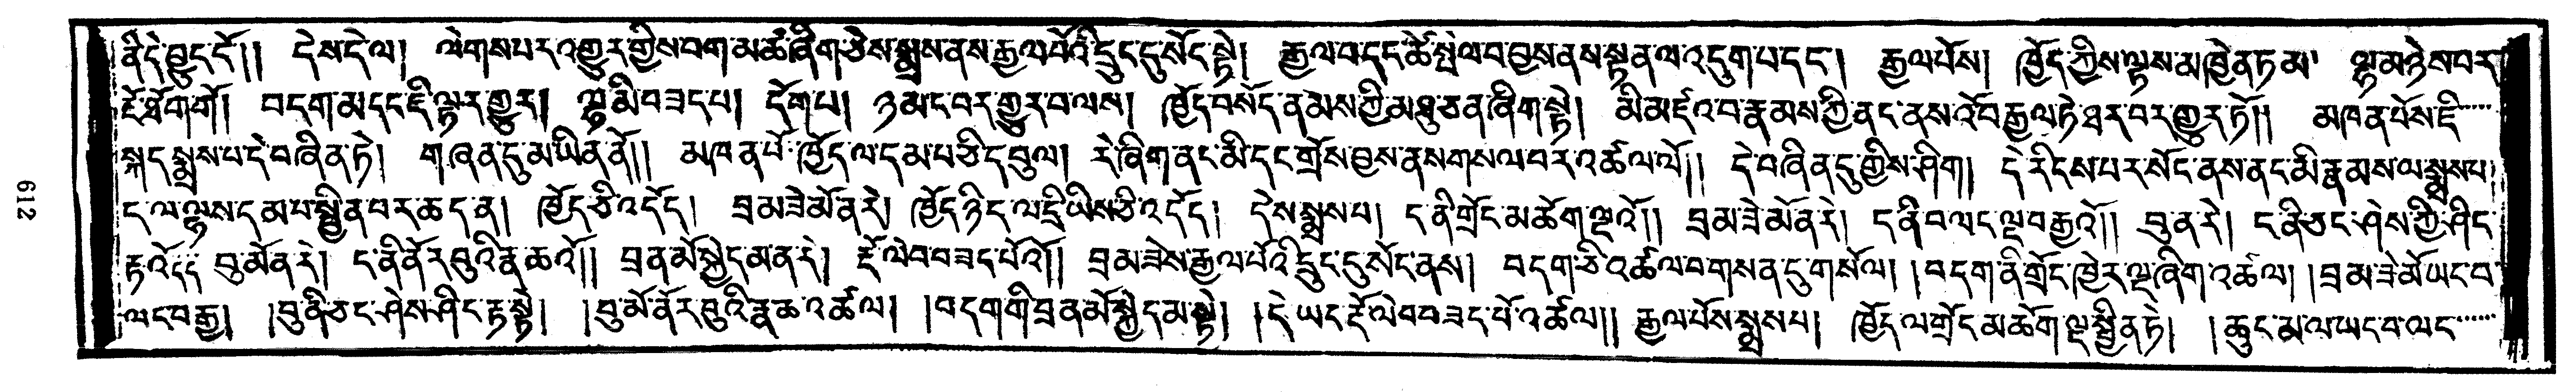ནི་དེ་བྱུང་ངོ།། དེས་དེ་ལ། ལེགས་པར་འགྱུར་གྱིས་བག་མ་ཚ་ཞིག་ཅེས་སྨྲས་ནས་རྒྱལ་པོའི་དྲུང་དུ་སོང་སྟེ། རྒྱལ་བ་དང་ཚེ་སྤེལ་བ་བྱས་ནས་སྟན་ལ་འདུག་པ་དང་། རྒྱལ་པོས། ཁྱོད་ཀྱིས་ལྟས་མཁྱེན་ཏམ། ལྷ་མཉེས་བར་
རྔོ་ཐོག་གོ། བདག་མདང་ཇི་ལྟར་གྱུར། ལྷ་མི་བཟད་པ། དོག་པ། ཉ་མང་བར་གྱུར་བ་ལས། ཁྱོད་བསོད་ནམས་ཀྱི་མཐུ་ཅན་ཞིག་སྟེ། མི་མཛའ་བ་རྣམས་ཀྱི་ནང་ནས་འོ་བརྒྱལ་ཏེ་ཐར་བར་གྱུར་ཏོ།། མཁན་པོས་ཇི་
སྐད་སྨྲས་པ་དེ་བཞིན་ཏེ། གཞན་དུ་མ་ཡིན་ནོ།། མཁན་པོ་ཁྱོད་ལ་དམ་པ་ཅི་དབུལ། རེ་ཞིག་ནང་མི་དང་གྲོས་བྱས་ནས་གསལ་བར་འཚལ་ལོ།། དེ་བཞིན་དུ་གྱིས་ཤིག། དེ་རིངས་པར་སོང་ནས་ནང་མི་རྣམས་ལ་སྨྲས་པ།།
ང་ལ་ལྷས་དམ་པ་སྦྱིན་པར་ཆད་ན། ཁྱོད་ཅི་འདོད། བྲམ་ཟེ་མོ་ན་རེ། ཁྱོད་ཉིད་ལ་དྲི་ཡིས་ཅི་འདོད། དེས་སྨྲས་པ། ང་ནི་གྲོང་མཆོག་ལྔའོ།། བྲམ་ཟེ་མོ་ན་རེ། ང་ནི་བ་ལང་ལྔ་བརྒྱའོ།། བུ་ན་རེ། ང་ནི་ཅང་ཤེས་ཀྱི་ཤིང་
རྟའོ༑༑ བུ་མོ་ན་རེ། ང་ནི་ནོར་བུའི་རྣ་ཆའོ།། བྲན་མོ་སྐྱེད་མ་ན་རེ། རྡོ་ལེབ་བཟང་པོའོ།། བྲམ་ཟེས་རྒྱལ་པོའི་དྲུང་དུ་སོང་ནས། བདག་ཅི་འཚལ་བ་གསན་དུ་གསོལ། །བདག་ནི་གྲོང་ཁྱེར་ལྔ་ཞིག་འཚལ། །བྲམ་ཟེ་མོ་ཡང་བ་
ལང་བརྒྱ། །བུ་ནི་ཅང་ཤེས་ཤིང་རྟ་སྟེ། །བུ་མོ་ནོར་བུའི་རྣ་ཆ་འཚལ། །བདག་གི་བྲན་མོ་སྐྱེད་མ་སྟེ། །དེ་ཡང་རྡོ་ལེབ་བཟང་པོ་འཚལ།། རྒྱལ་པོས་སྨྲས་པ། ཁྱོད་ལ་གྲོང་མཆོག་ལྔ་སྦྱིན་ཏེ། །ཆུང་མ་ལ་ཡང་བ་ལང་